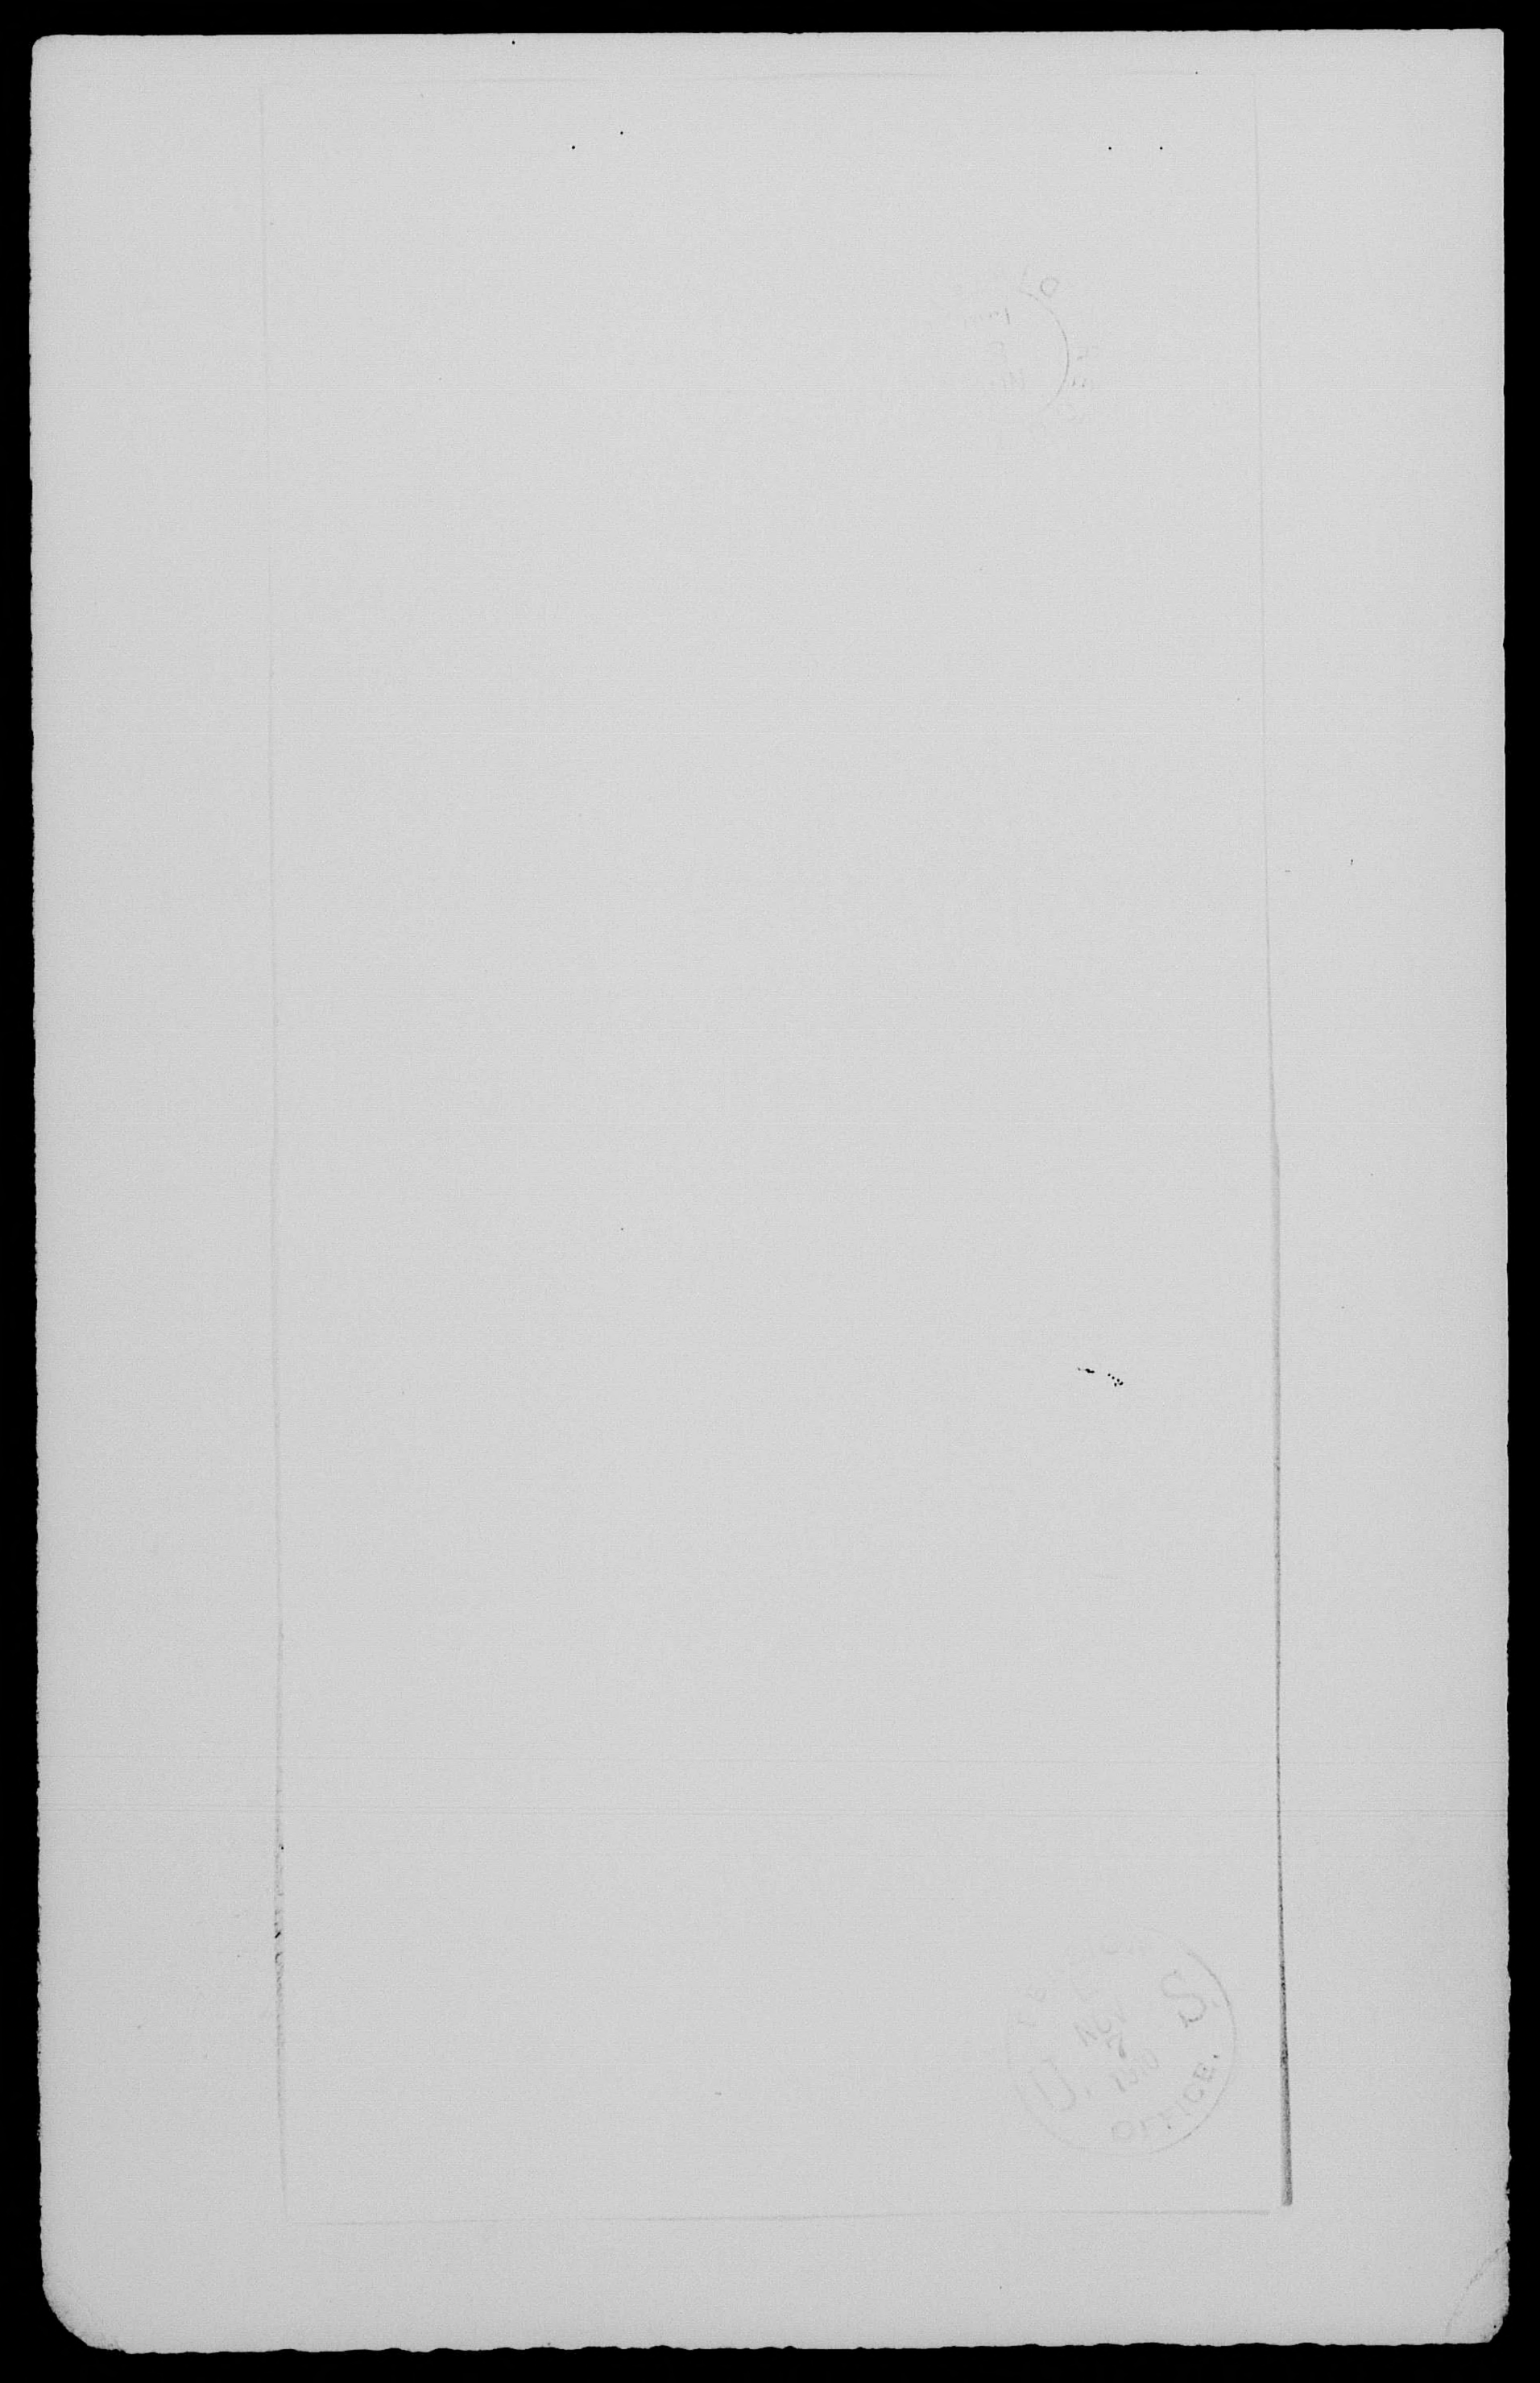[U.S. Pension Office stamp Nov 7 1910]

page: 34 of 45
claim: survivor's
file: S. 15748, Elihu Benham, Conn.